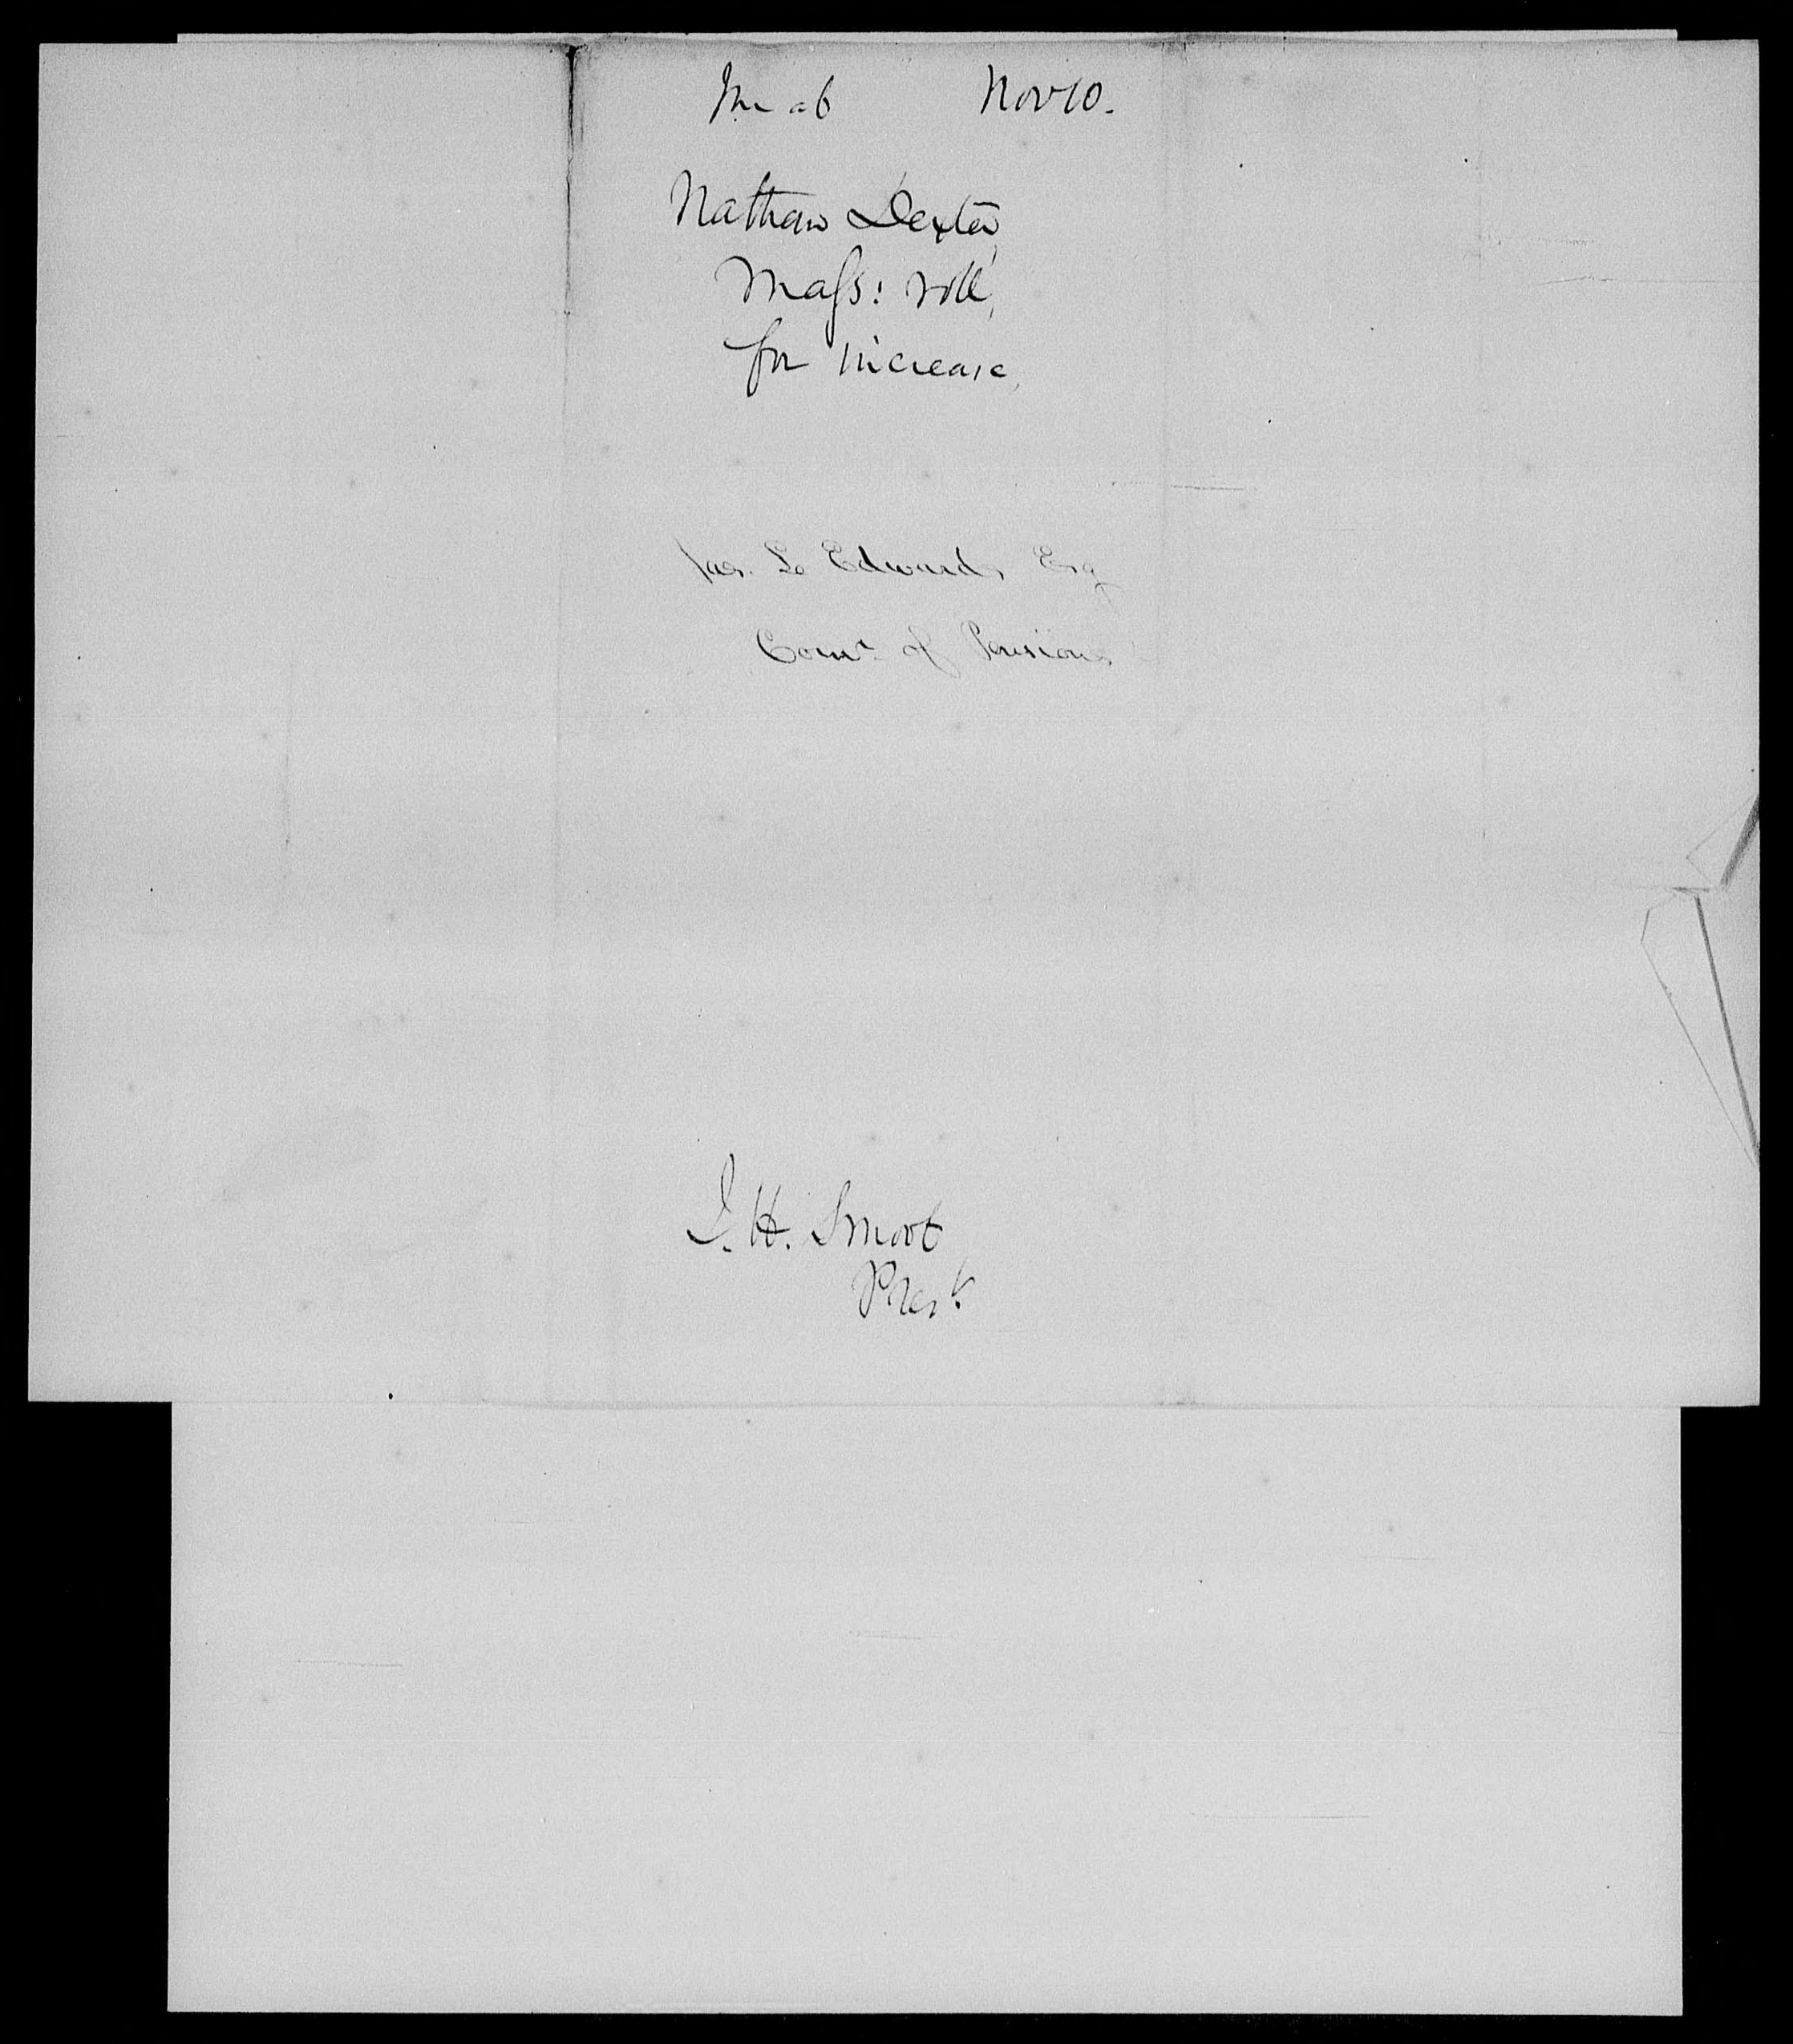Nov 10.
Nathan Dexter
Mass. roll
for increase
Jas. L Edwards Esq
Comr. of Pensions
J. H. Smoot
Prest.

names: Jas L Edwards, Nathan Dexter, J H Smoot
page: 9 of 35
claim: survivor's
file: S. 18374, Nathan Dexter, R.I.